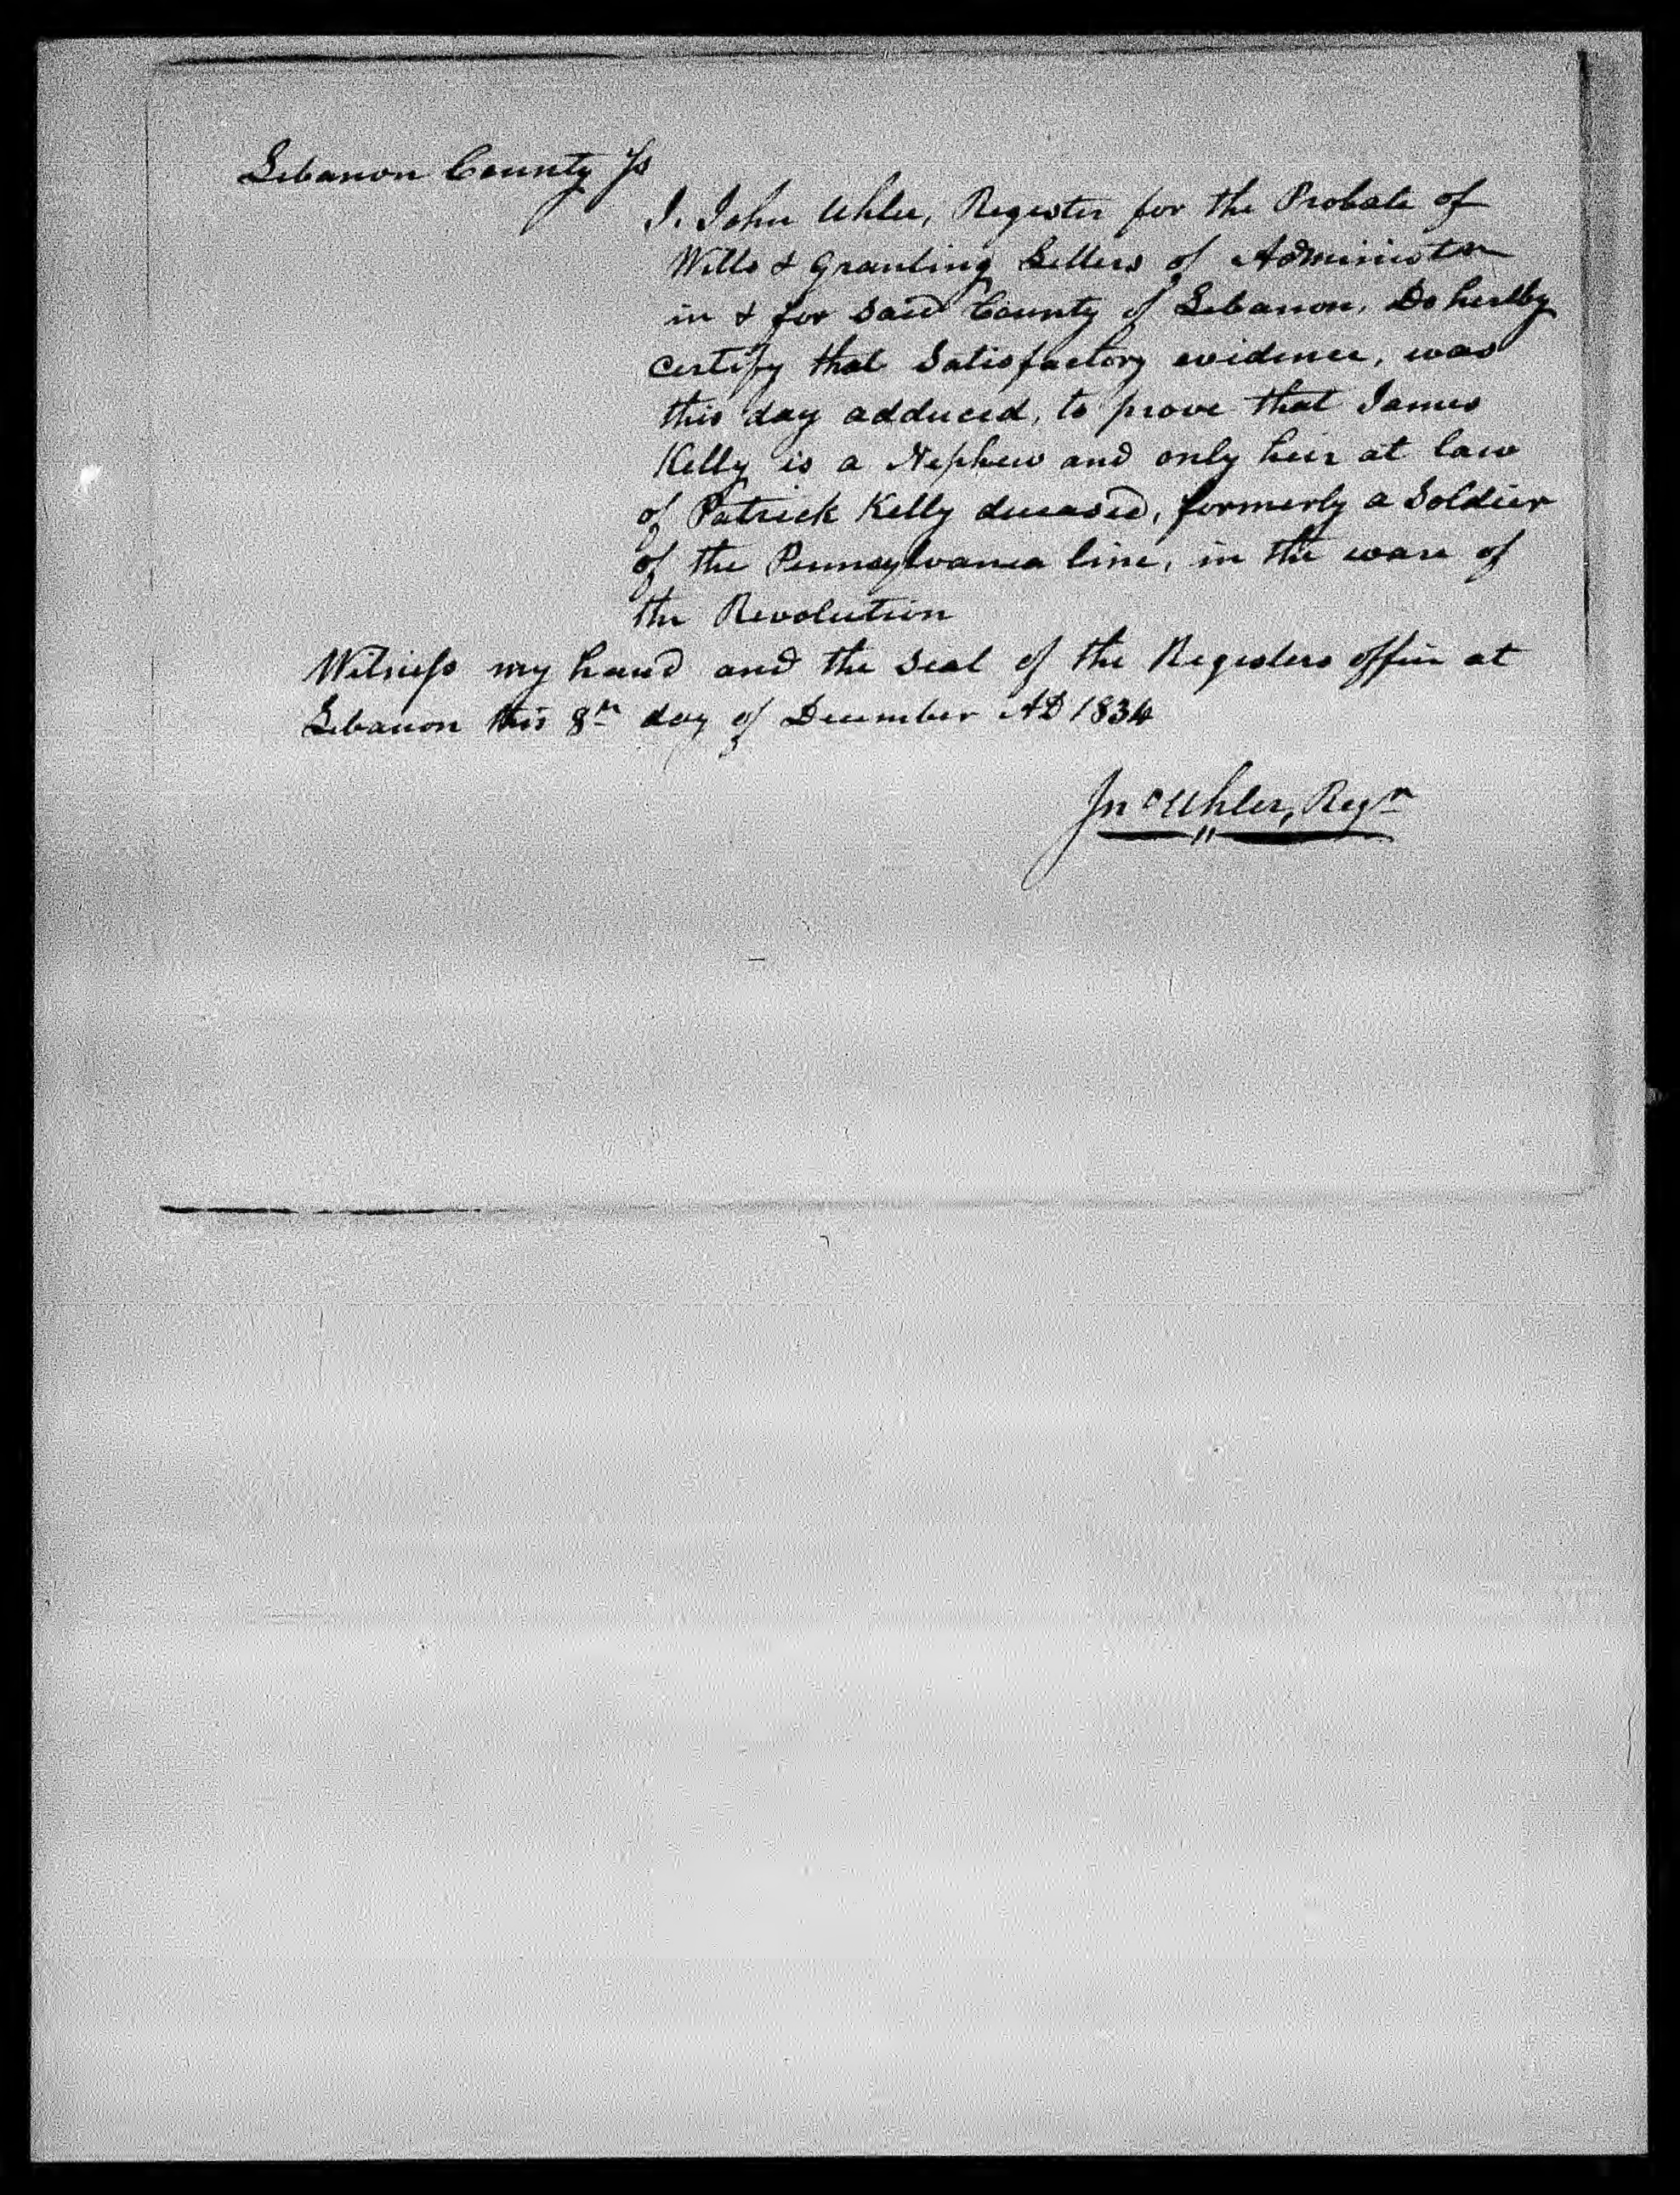Lebanon County SS
     I John Uhler, Register for the Probate of Wills & Granting Sells of Administration & and for said County of Lebanon, do hereby certify that satisfactory evidence was this day adducted to prove that James Kelly is the Nephew and only heir at law of Patrick Kelly deceased, formerly a soldier of the Pennsylvania line, in the war of the Revolution.
Witness my hand and the Seal of the Registers Office at Lebanon this 8th day of December AD 1834.
              Jno Uhler Regr.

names: Patrick Kelly; James Kelly; John Uhler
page: 7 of 11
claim: bounty land warrant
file: B. L. Wt. 2110-100, for Patrick Kelly, Pennsylvania